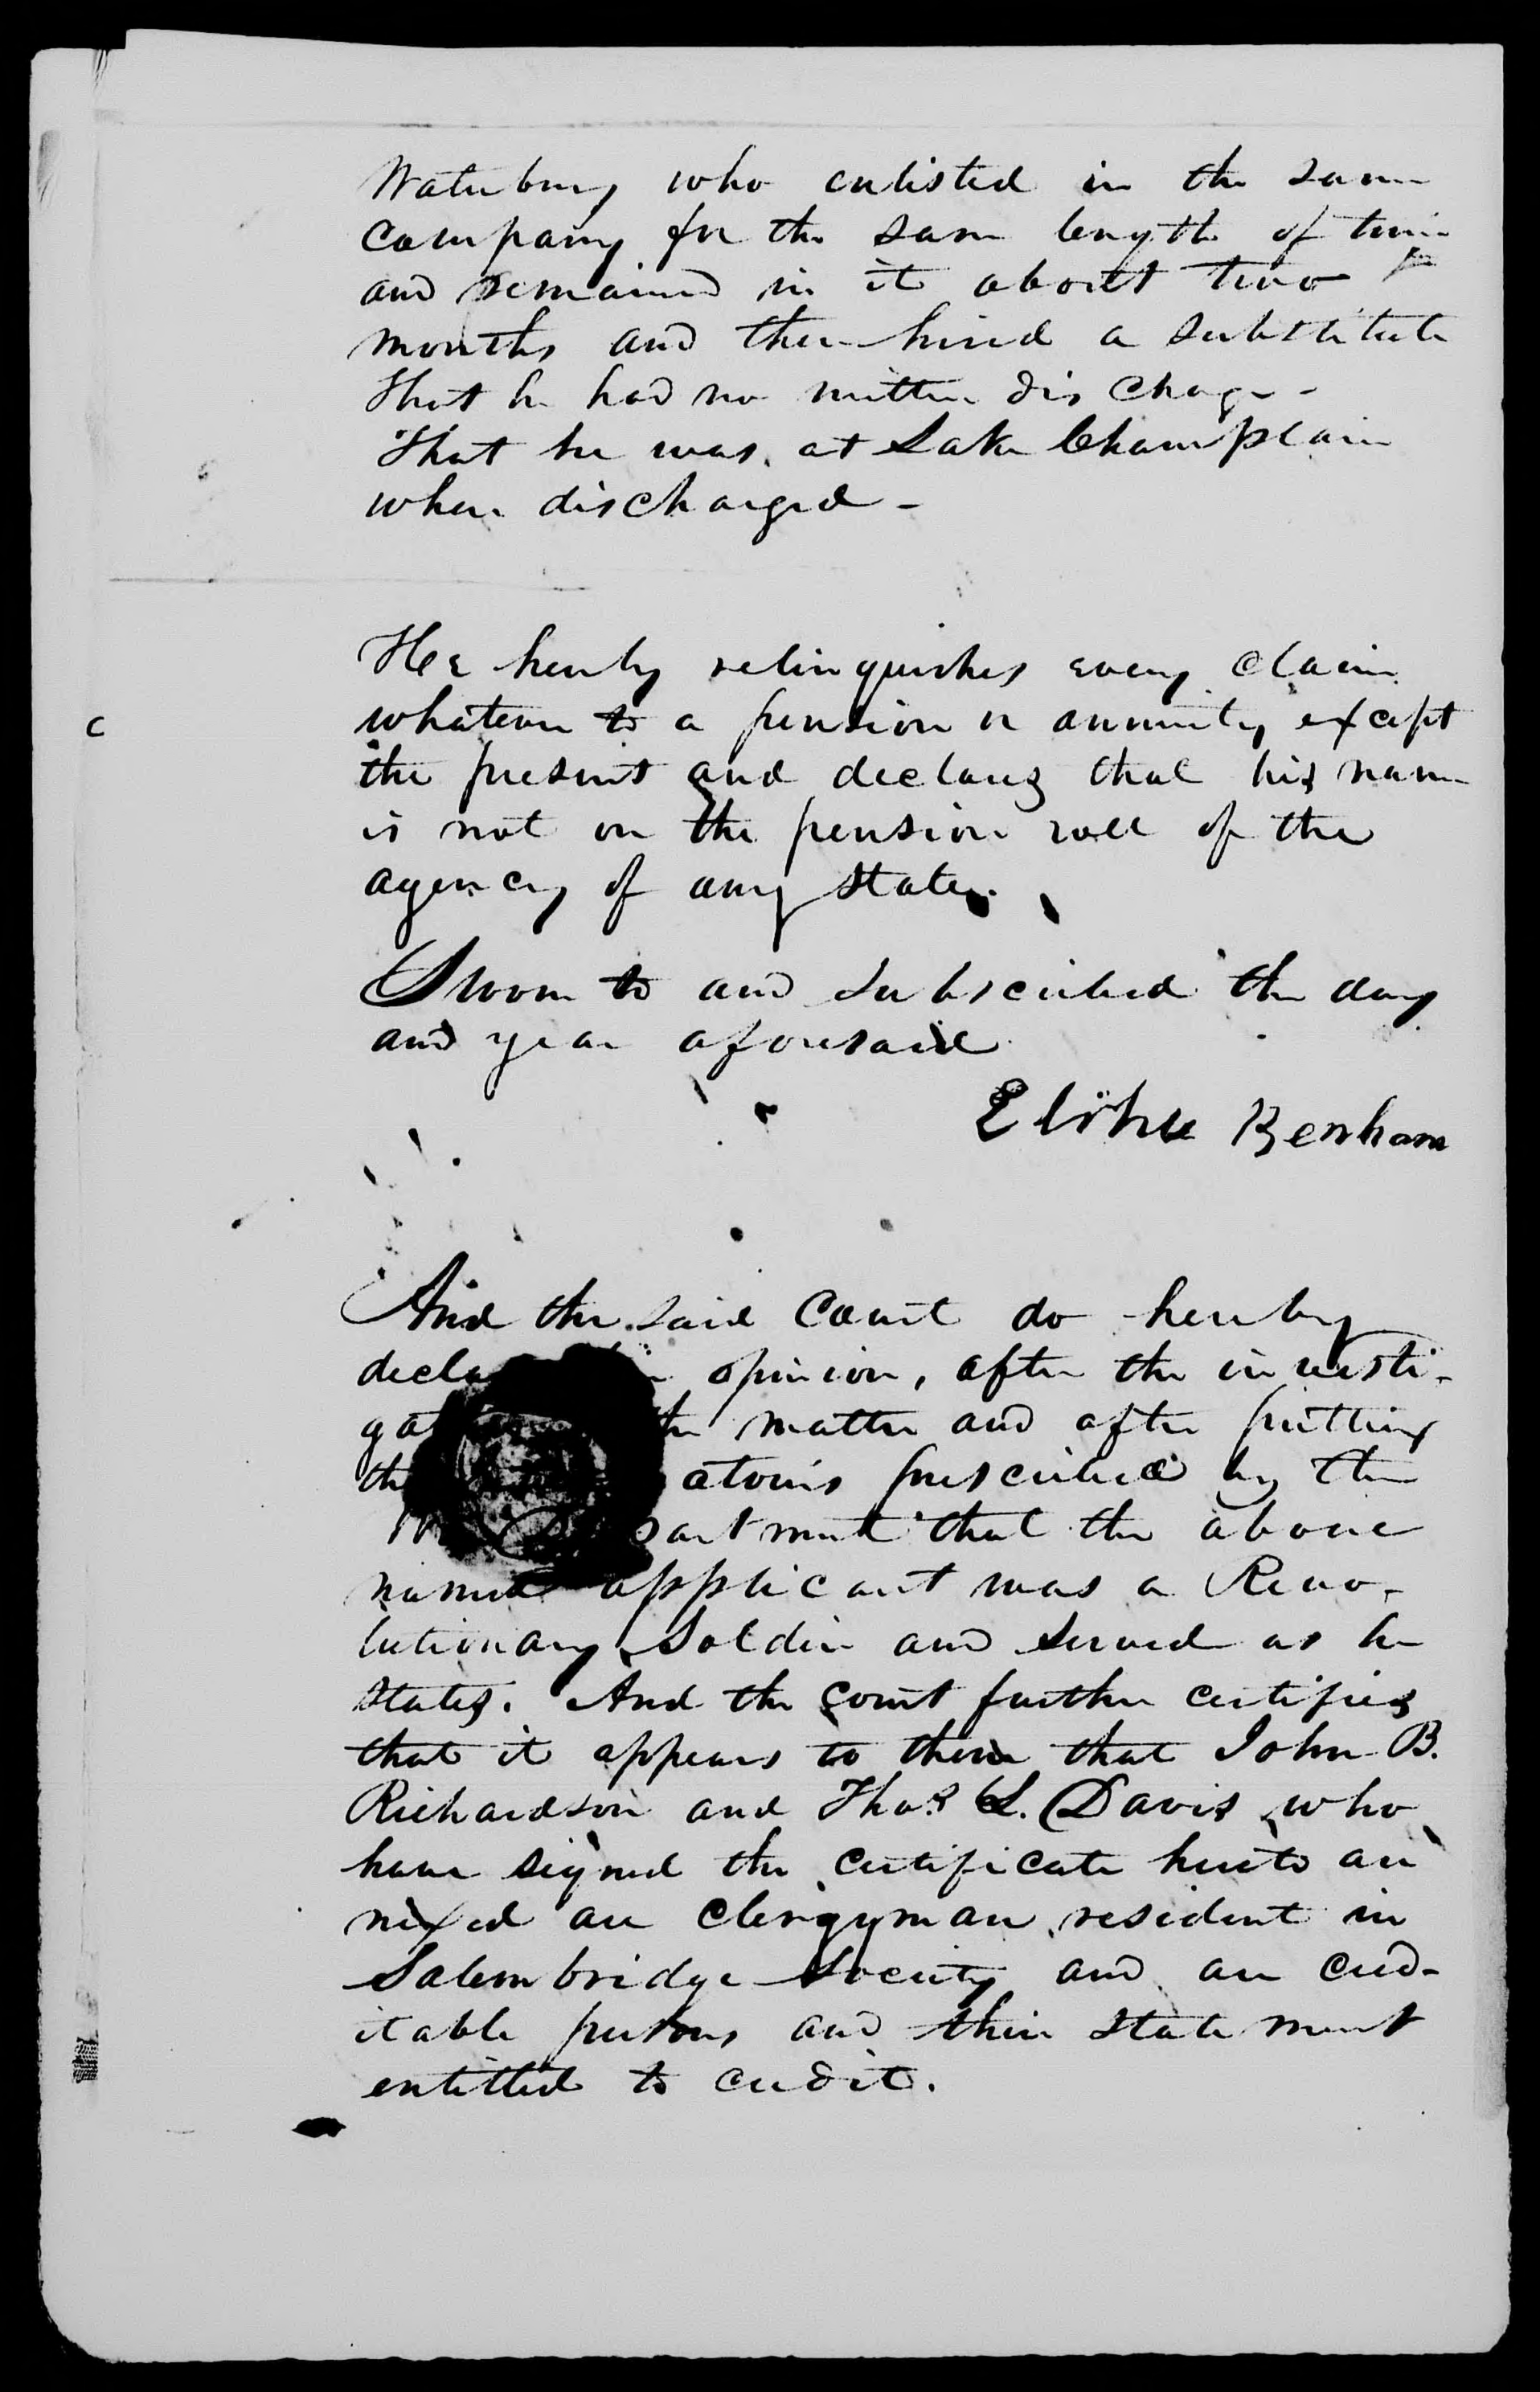Waterbury who enlisted in the same company for the same length of time and remained in it about two months and then hired a substitute That he had no written discharge That he was at Lake Champlain when discharged
 He hereby relinquishes every claim whatever to a pension or annuity except the present and declares that his name is not on the pension roll of the agency of any State 
Sworn to and subscribed the day and year aforesaid 
Elihu Benham 

And the said Court do hereby declare the opinion, after the investigation of the matter and after putting tours prescribed by the [illegible] department that the above named applicant was a Revolutionary Soldier and served as he States. And the Court further certifies that it appears to them that John B. Richardson and Thos L. Davis who have signed the certificate hereto annexed are clergyman resident in Salembridge Society and an creditable persons and their statement entitled to credit.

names: Thos L Davis, Elihu Benham, John B Richardson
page: 5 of 45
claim: survivor's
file: S. 15748, Elihu Benham, Conn.